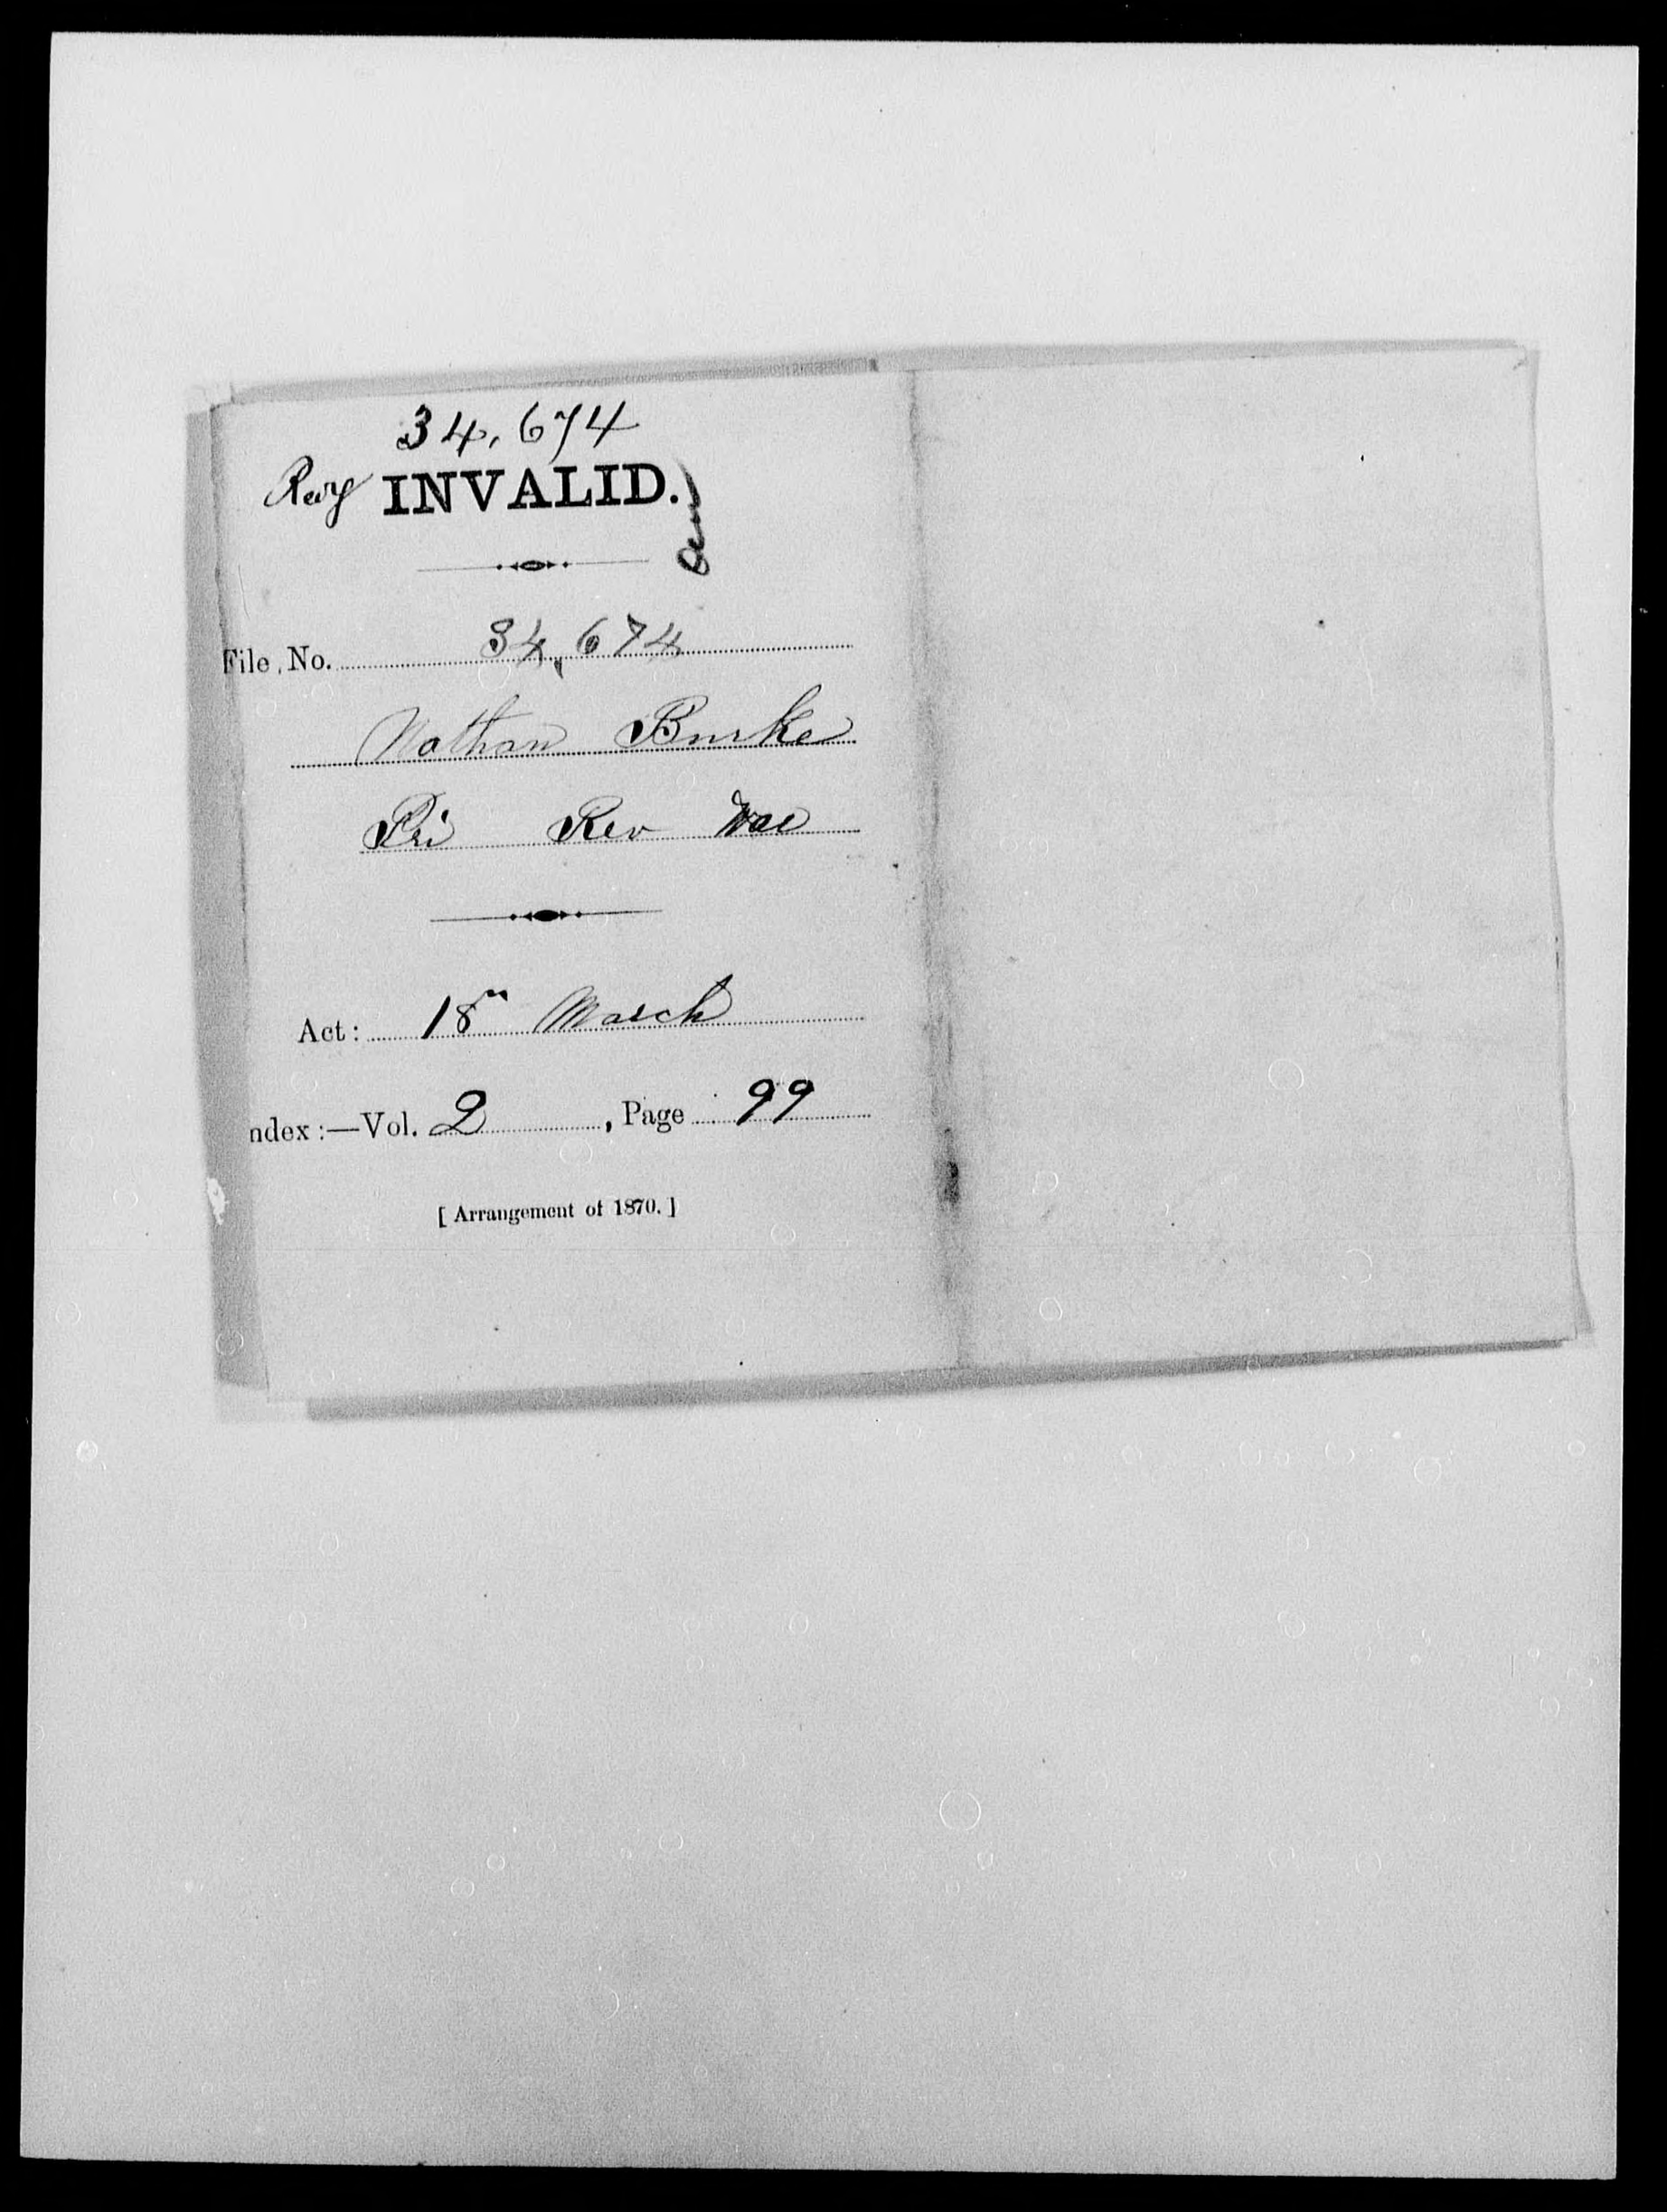34.674
[Roy?] INVALID. [unclear signature]
File No. 34674
Nathan Burke
Pri Rev War
Act: 18 March
Index:--Vol. 2, Page 99
Arrangement of 1870.]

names: Nathan Burke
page: 20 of 20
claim: survivor's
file: S. 34674, Nathan Burk, Md.